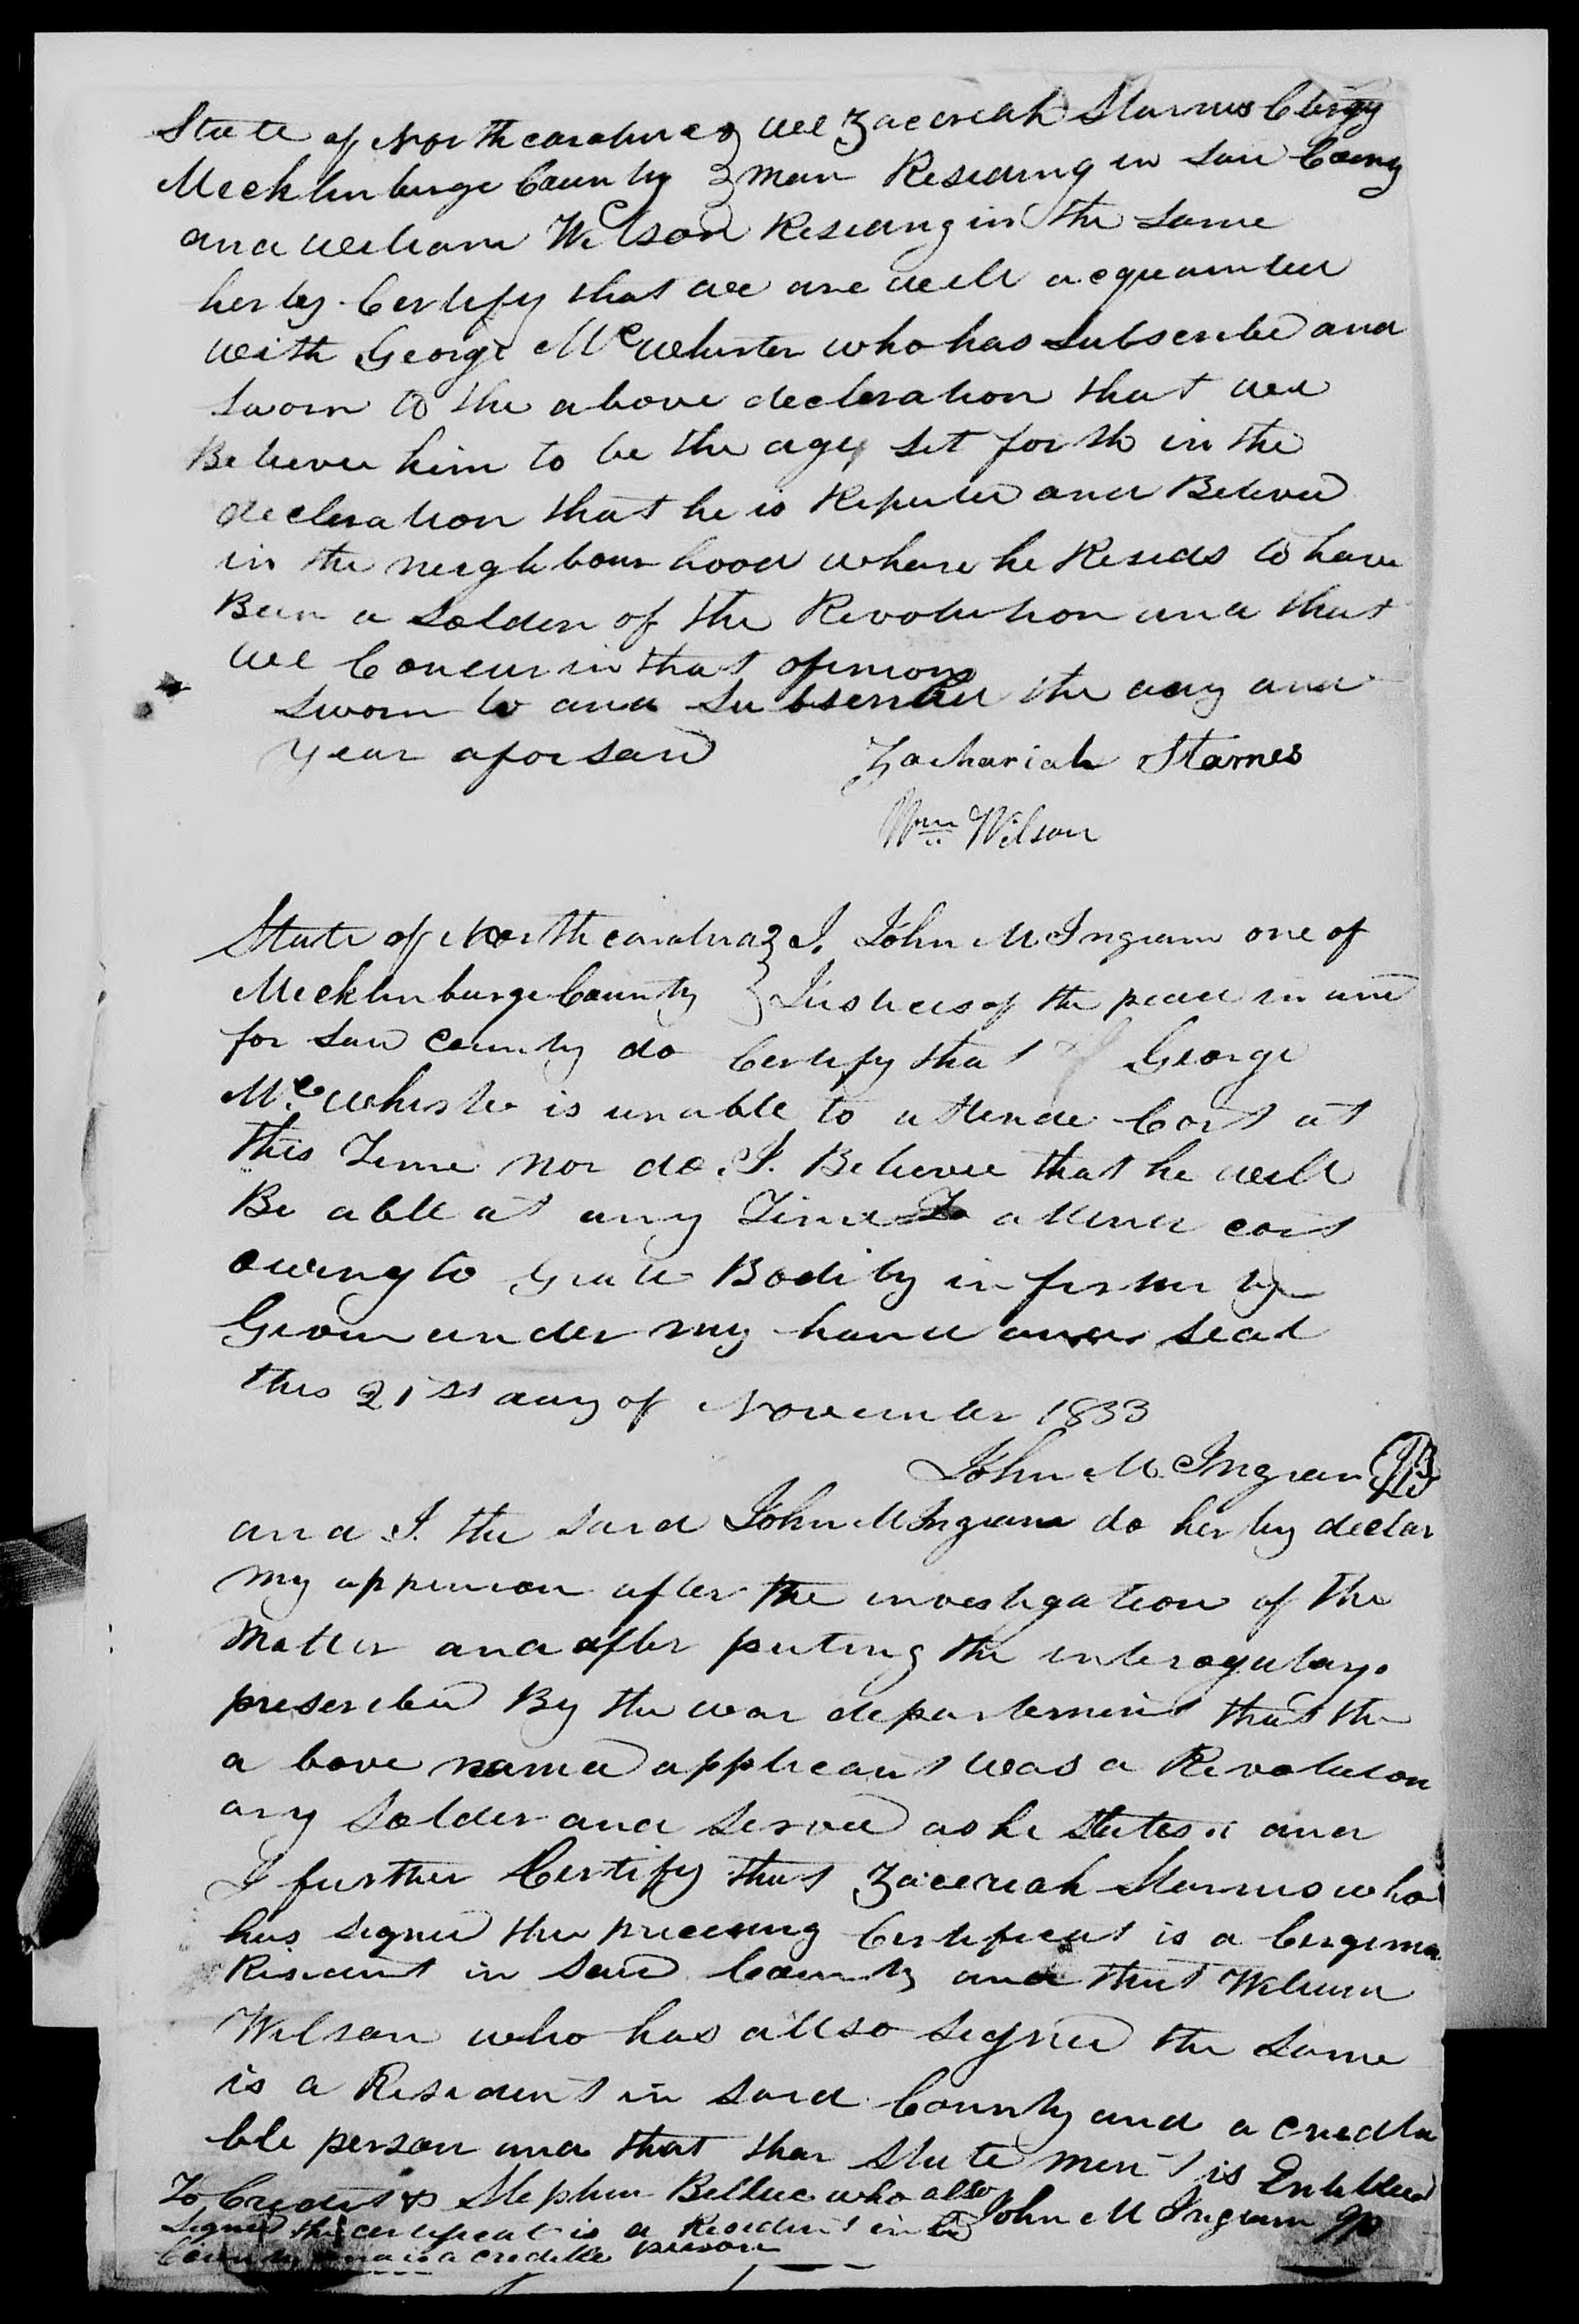State of North Carolina Mecklenburg County
we Zachariah Starnes Clergyman residing in same county and William Wilson residing in the same herby certify that we are each acquainted with George McWhorter who has subscribed and sworn to the above declaration that we believe him to be the age set forth in the declaration that he is reported and believed in the neighborhood where he resides to have been a soldier of the Revolution and that we concur in that opinions.
Sworn to and subscribed the day and year aforesaid
Zachariah Starnes ( signed )     Wm Wilson( signed )

State of North Carolina Mecklenburg County
I, John M. Ingram one of Justices of the peace in and for said county do certify that George McWhirter is unable to attend court at this time no do I believe that he will be able at any time attend court owing to grate (great ) bodily infirmity  Given under my hand and seal this 21st day of November 1833 
John M. Ingram (signed /sealed ) JP

And I the said John M. Ingram do hereby declare my approval after the investigation of the matter and after putting the interrogatories prescribed By the war department that the above named applicant was a Revolutionary soldier and service as he states it was.  I further certify that Zachariah Starnes who has signed the preceding certificate is a clergyman resident in the same county and that William Wilson who has also signed the same is a resident in said  county and a credible person that their statement is entitled to credit  &  Stephen Bellue who also signed the certificate is a resident in said County and  is a credible person.   John M. Ingram ( signed / sealed ) JP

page: 10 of 35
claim: survivor's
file: S. 9,011, for George Mc Whorter, North Carolina